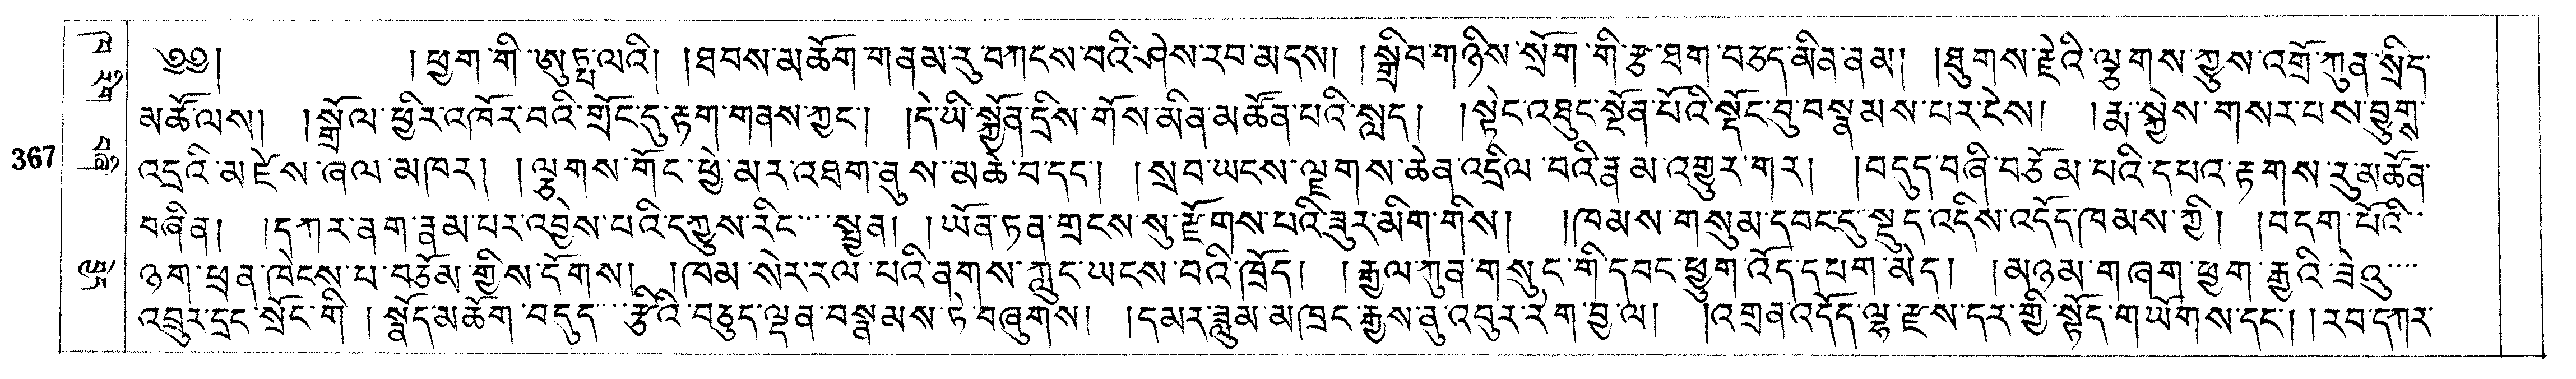༄༅། །ཕྱག་གི་ཨུཏྤ་ལའི། །ཐབས་མཆོག་གནམ་རུ་བཀངས་པའི་ཤེས་རབ་མདས། །སྒྲིབ་གཉིས་སྲོག་གི་རྩ་ཐག་བཅད་མིན་ནམ། །ཐུགས་རྗེའི་ལྕགས་ཀྱུས་འགྲོ་ཀུན་སྲིད་
མཚོ་ལས། །སྒྲོལ་ཕྱིར་འཁོར་བའི་གྲོང་དུ་རྟག་གནས་ཀྱང་། །དེ་ཡི་སྐྱོན་དྲིས་གོས་མིན་མཚོན་པའི་སླད། །སྟེང་འཐུང་སྔོན་པོའི་སྡོང་བུ་བསྣམས་པར་ངེས། །རྨ་སྐྱེས་གསར་པས་བྱུགས་
འདྲའི་མཛེས་ཞལ་མཁར། །ལྕགས་གོང་ཕྱེ་མར་འཐག་ནུས་མཆེ་བ་དང་། །སྲབ་ཡངས་ལྗགས་ཆེན་འདྲིལ་བའི་རྣམ་འགྱུར་གར། །བདུད་བཞི་བཅོམ་པའི་དཔའ་རྟགས་རུ་མཚོན་
བཞིན། །དཀར་ནག་རྣམ་པར་འབྱེས་པའི་དཀྱུས་རིང་སྤྱན། །ཡོན་ཏན་གྲངས་སུ་རྫོགས་པའི་ཟུར་མིག་གིས། །ཁམས་གསུམ་དབང་དུ་སྡུད་འདིས་འདོད་ཁམས་ཀྱི། །བདག་པོའི་
ཉག་ཕྲན་ཁེངས་པ་བཅོམ་གྱིས་དོགས། །ཁམ་སེར་རལ་པའི་ནགས་ཀླུང་ཡངས་བའི་ཁྲོད། །རྒྱལ་ཀུན་གསུང་གི་དབང་ཕྱུག་འོད་དཔག་མེད། །མཉམ་གཞག་ཕྱག་རྒྱའི་ཟེའུ་
འབྲུར་དྲང་སྲོང་གི །སྣོད་མཆོག་བདུད་རྩིའི་བཅུད་ལྡན་བསྣམས་ཏེ་བཞུགས། །དམར་ཟླུམ་མཁྲང་རྒྱས་ནུ་འབུར་རེག་བྱ་ལ། །འགྲན་འདོད་ལྷ་རྫས་དར་གྱི་སྟོད་གཡོགས་དང་། །རབ་དཀར་